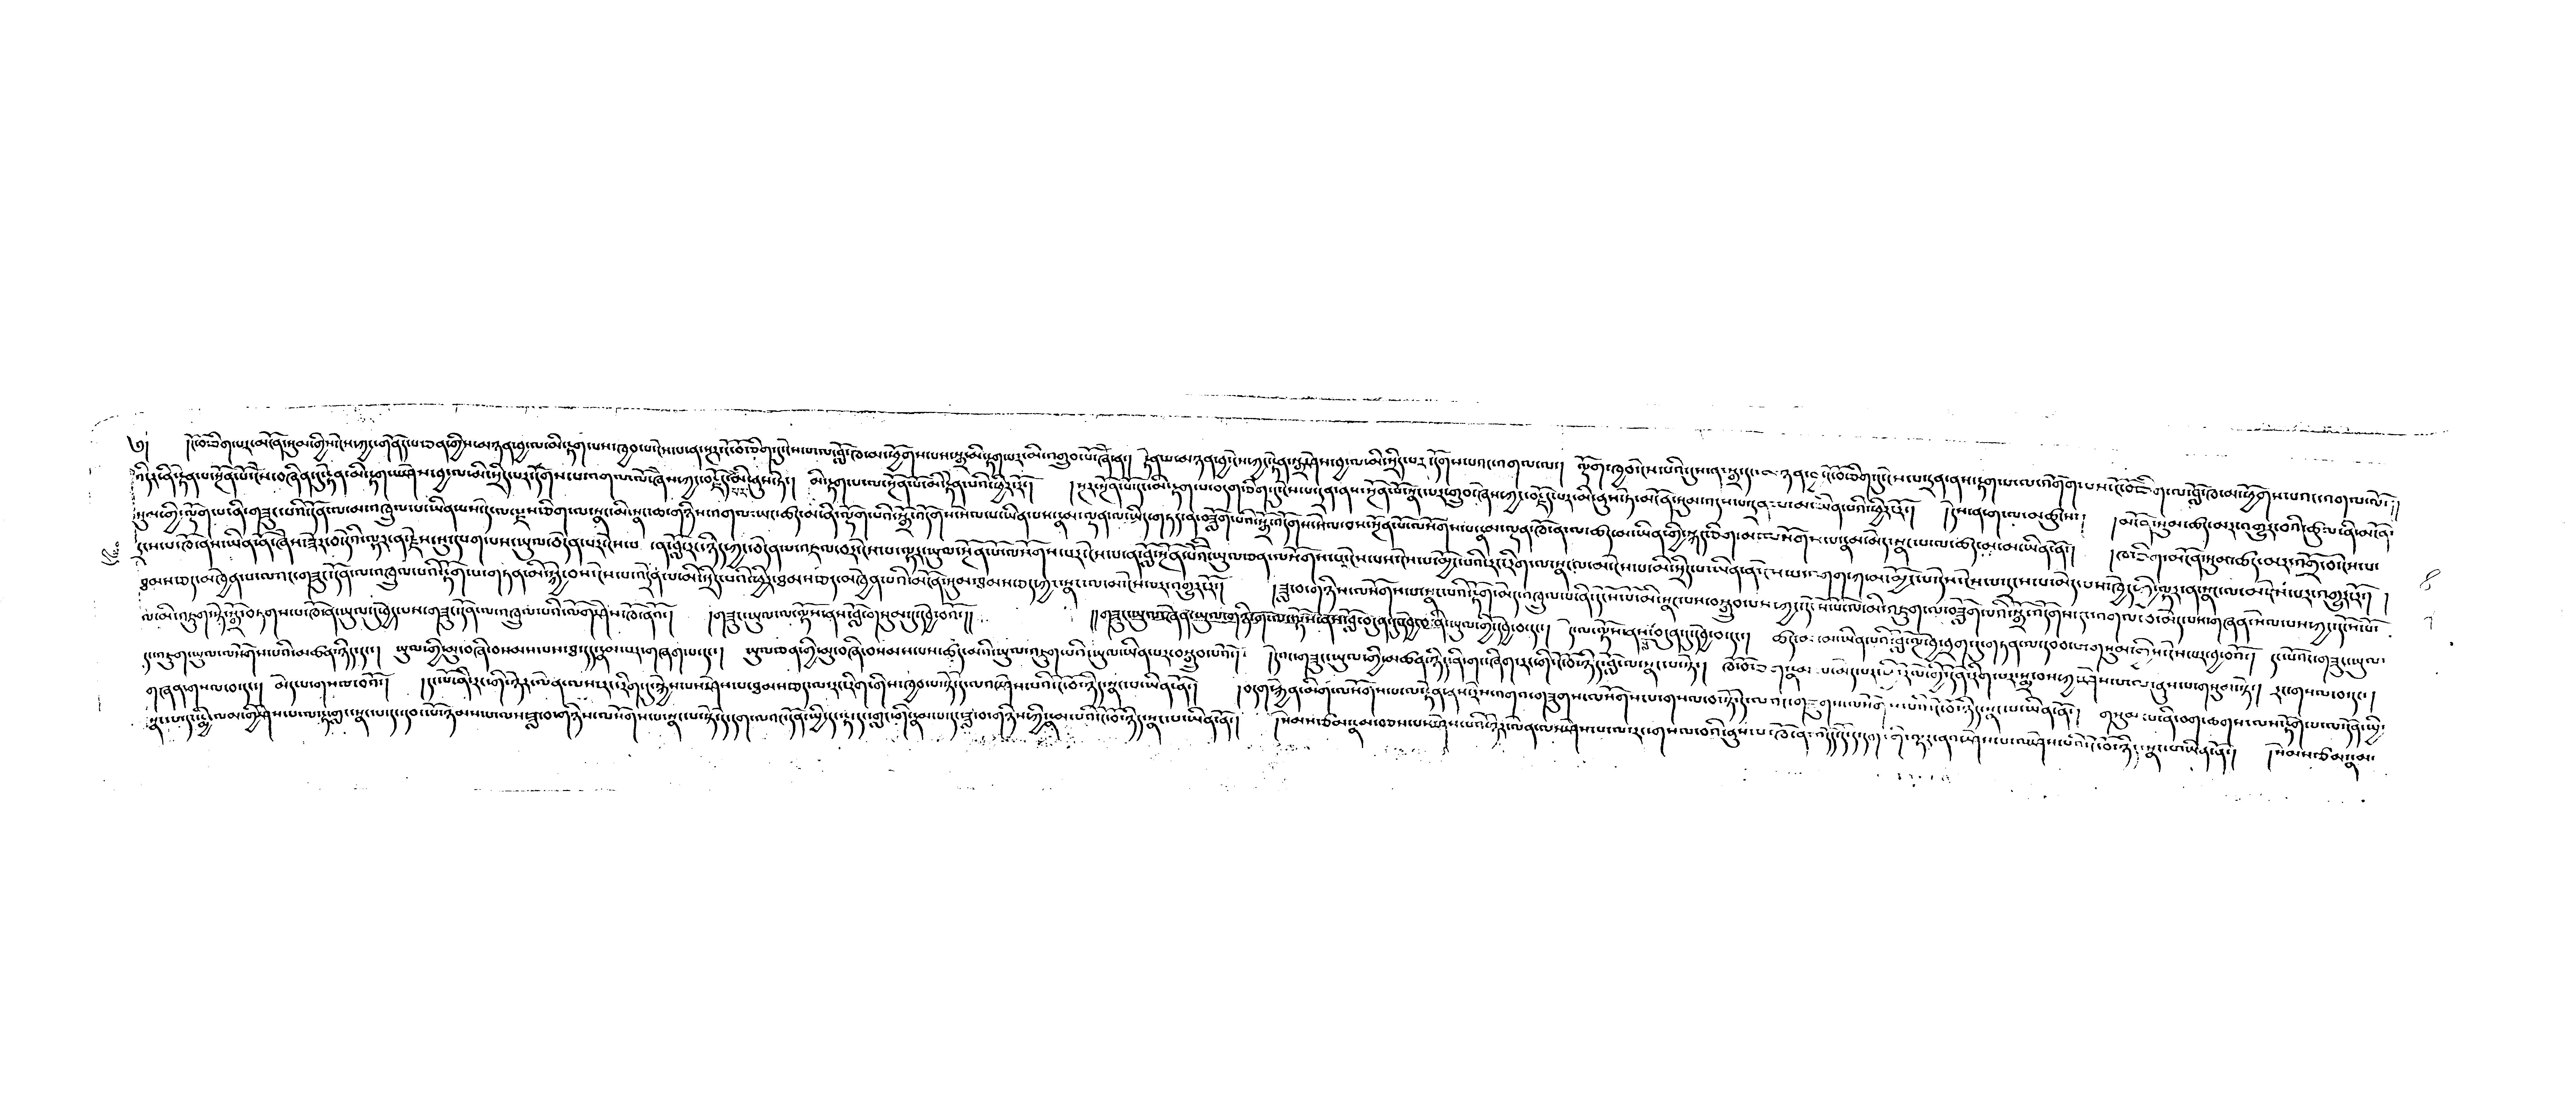༈། །ངོ་བོ་ཅིག་པར་མངོན་སུམ་གྱིས་ངེས་ཀྱང་གནོད་པ་ཅན་གྱིས་མཉན་བྱ་ལ་མི་རྟག་པས་ཁྱབ་པ་ངེས་པ་ན་སྔར་ངོ་བོ་ཅིག་དུ་ངེས་པ་ལ་བློ་ཁ་མ་ཕྱོགས་པས་སྒྲ་མི་རྟག་པར་མི་འགྲུབ་པོ་ཞེ་ན། རྟེན་པ་མཉན་བྱ་ངེས་ཀྱང་རྟེན་སྒྲ་ཤེས་བྱ་ལ་མི་སྲིད་པར་དོགས་པའང་འགལ་ལ། ལྡོག་ཁྱབ་ངེས་པའི་དུས་ན་སྒྲ་དང་མཉན་བྱ་ངོ་བོ་ཆིག་དུ་ངེས་པ་དྲན་ནས་རྟག་པ་ལ་འགོག་པས་ངོ་བོ་ཆིག་ལ་བློ་ཁ་མ་ཕྱོགས་པའང་འགལ་ལོ།།
འདིར་ནི་རྟེན་པ་སྔོན་པོ་ངེས་བཞིན་དུ་རྟེན་མི་རྟག་པ་ཤེས་བྱ་ལ་མི་སྲིད་པར་དོགས་པ་འགལ་ལོ་ཞེས་ཀྱང་བརྗོད་པར་མི་ནུས་ཏེ། མི་རྟག་པ་ལ་སྔོན་པོ་མི་རྟེན་པའི་ཕྱིར་རོ། །སྔར་སྔོན་པོ་དང་མི་རྟག་པ་བདག་ཅིག་དུ་ངེས་པ་དྲན་ནས་སྔོན་པོ་སྣང་པར་གྲུབ་ཞེས་ཀྱང་བརྗོད་པར་མི་ནུས་ཏེ་མངོན་སུམ་འདས་པ་དྲན་པ་མ་ཡིན་པའི་ཕྱིར་རོ། །དེས་ན་ག་ལ་མཚུངས། མངོན་སུམ་ཚད་མར་འགྱུར་བའི་ཚུལ་ནི་མངོན་
སུམ་གྱི་ལྡོག་པ་ནི་གཟུང་པའི་དོན་ལ་མ་འཁྲུལ་པ་ཡིན་པས་དེ་ལ་རྫས་ཅིག་ལ་སྣང་མི་སྣང་ཆ་གཉིས་འགལ་ཡང་ཚད་མ་ནི་ལྡོག་པའི་སྒྲོ་འདོགས་སེལ་པ་ཡིན་པས་རྣམ་ལྡན་ལ་ཡིད་གཏད་ན་བཟློག་པའི་སྒྲོ་འདོགས་སེལ་བས་སྔོན་པོ་ལ་སོགས་པ་རྣམ་ལྡན་ཁོ་ན་ལ་ཚད་མ་ཡིན་གྱི་སྐད་ཅིག་མ་ལ་སོགས་པ་རྣམ་མེད་སྣང་པ་ལ་ཚད་མ་མ་ཡིན་ནོ། །ཁ་ཅིག་མངོན་སུམ་ཚད་པར་འགྲོ་བ་ངེས་པ་
དྲངས་པ་ཁོ་ནས་ཡིན་ནོ་ཞེས་ཟེར་བ་དེའི་ལྟར་ན་རྗེས་སུ་དཔག་པས་ཡུལ་བདེན་པར་ངེས་པ་ན་བློ་རང་ཉིད་ཀྱང་བདེན་པ་འཇལ་བར་ངེས་པ་ལྟར་ཡུལ་སྔོན་པོ་ལ་སོགས་པར་ངེས་པ་ན་བློ་སྔོན་པོའི་ཡུལ་ཅན་ལ་སོགས་པ་ངེས་པས་ངེས་པ་མྱོང་པའི་རང་རིག་ལ་སྣང་ལ་མ་ངེས་པ་མི་སྲིད་པ་ཡིན་ན་ངེས་པ་འགག་ཀ་མ་མྱོང་པ་དེས་ངེས་པ་དྲངས་པ་མེད་པས་ཁྱེད་ཀྱི་ལྟར་ན་སྣང་ལ་མ་ངེས་པར་འགྱུར་རོ། །
ཐམས་ཅད་མཁྱེན་པ་ལའང་གཟུང་དོན་ལ་འཁྲུལ་པའི་རྟོག་པ་གཏན་མི་སྐྱེ་བས་ངེས་པ་འདྲེན་པ་མི་སྲིད་པའི་ཕྱིར་ཐམས་ཅད་མཁྱེན་པའི་མངོན་སུམ་ཐམས་ཅད་ཀྱང་སྣང་ལ་མ་ངེས་པར་འགྱུར་རོ། །ཟླ་བ་གཉིས་ལ་སོགས་པ་སྣང་པའི་རྟོག་མེད་འཁྲུལ་པ་ནི་དངོས་པོ་མི་སྣང་པས་བསྒྲུབ་པས་ཀྱང་དངོས་པོ་ལ་མི་འཇུག་ལ་བཟློག་པའི་སྒྲོ་འདོགས་དང་འགལ་བ་མེད་པས་གཞན་སེལ་པས་ཀྱང་དངོས་པོ་
ལ་མི་འཇུག་སྟེ་སྒྲོ་བཏགས་པ་ཁོ་ན་ཡུལ་དུ་བྱེད་པས་གཟུང་དོན་ལ་འཁྲུལ་པའི་ལོག་ཤེས་ཁོ་ནའོ། །གཟུང་ཡུལ་ལ་ལྟོས་ནས་བློ་གསུམ་དུ་དབྱེ་བའོ།། །།གཟུང་ཡུལ་ཞེན་ཡུལ་གཉི་ག་ལ་ལྟོས་ནས་བློ་བདུན་དུ་དབྱེ་བ་ནི་ཡུལ་གྱི་དབྱེ་བ་དང་། དེ་ལ་ལྟོས་ནས་བློ་བདུན་དུ་དབྱེ་བ་དང་། ཚད་མ་མ་ཡིན་པའི་བློ་ལྔ་བྱེ་བྲག་དུ་གཏན་ལ་དབབ་པ་གསུམ་གྱིས་ངེས་པར་བྱ་བའོ། དང་པོའང་གཟུང་ཡུལ་
དང་འཇུག་ཡུལ་ལ་སོགས་པའི་མཚན་ཉིད་དང་། ཡུམ་གྱི་མུ་བཞི་བསམས་པས་ཐ་དད་རྣམ་པར་གཞག་པ་དང་། ཡུལ་ཅན་གྱི་མུ་བཞི་བསམས་པས་ཚད་མའི་ཡུལ་འཇུག་པའི་ཡུལ་ཡིན་པར་བསྒྲུབ་པའོ། །དེའང་གཟུང་ཡུལ་གྱི་མཚན་ཉིད་ནི་གང་ཞིག་རང་གི་ངོ་བོ་ཉིད་བློ་ལ་སྣང་པ་སྟེ། ཁོ་བོ་ཅིག་རྣམ་པ་མེད་པར་ཕྱི་རོལ་གྱི་དོན་རིག་པར་སྨྲ་བས་ཀྱང་ཤེས་པ་ལ་ནུས་པ་གསུམ་སྟེ། རང་གསལ་བ་དང་།
གཞན་གསལ་བ་དང་། མེད་པ་གསལ་བའོ། །དང་པོ་ནི་རང་གི་ཉེར་ལེན་ལས་རང་རིག་དུ་སྐྱེས་པས་ཤེས་པ་ཐམས་ཅད་ལ་རང་རིག་གིས་ཁྱབ་པ་སྟེ་དེ་ལའང་ཤེས་པའི་ངོ་བོ་ཉིད་སྣང་པ་ཡིན་ནོ། །བདག་རྐྱེན་མིག་ལ་སོགས་པ་ལ་རྟེན་ནས་རེས་འགའ་གཟུགས་ལ་སོགས་པ་གསལ་བ་སྟེ་དེ་ལའང་གཟུགས་ལ་སོགས་པའི་ངོ་བོ་ཉིད་སྣང་པ་ཡིན་ནོ། གསུམ་པ་ནི་བག་ཆགས་ལས་རྟོག་པ་ལ་དོན་སྤྱི་
སྣང་པ་དང་རྨྱི་ལམ་གྱི་ཤེས་པ་ལ་རྟ་གླང་སྣང་པ་དང་དབང་པོ་ཉམས་པ་ལས་ཟླ་བ་གཉིས་ལ་སོགས་པ་སྣང་པ་སྟེ་དེ་དག་ལའང་དོན་སྤྱི་ད་རྟ་དང་གླང་གི་རྣམ་པ་དང་ཟླ་བ་གཉིས་ཀྱི་རྣམ་པའི་ངོ་བོ་ཉིད་སྣང་པ་ཡིན་ནོ། །སེམས་ཙམ་རྣམ་བཅས་པས་ཤེས་པའི་ཉེར་ལེན་ལས་ཤེས་པ་ལ་རང་གསལ་བའི་ནུས་པ་ཁོ་ན་འདོད་དོ་དེ་དག་གི་ལྟར་ནའང་ཤེས་པའི་ངོ་བོ་ཉིད་སྣང་པ་ཡིན་ནོ། །སེམས་ཙམ་རྣམ་